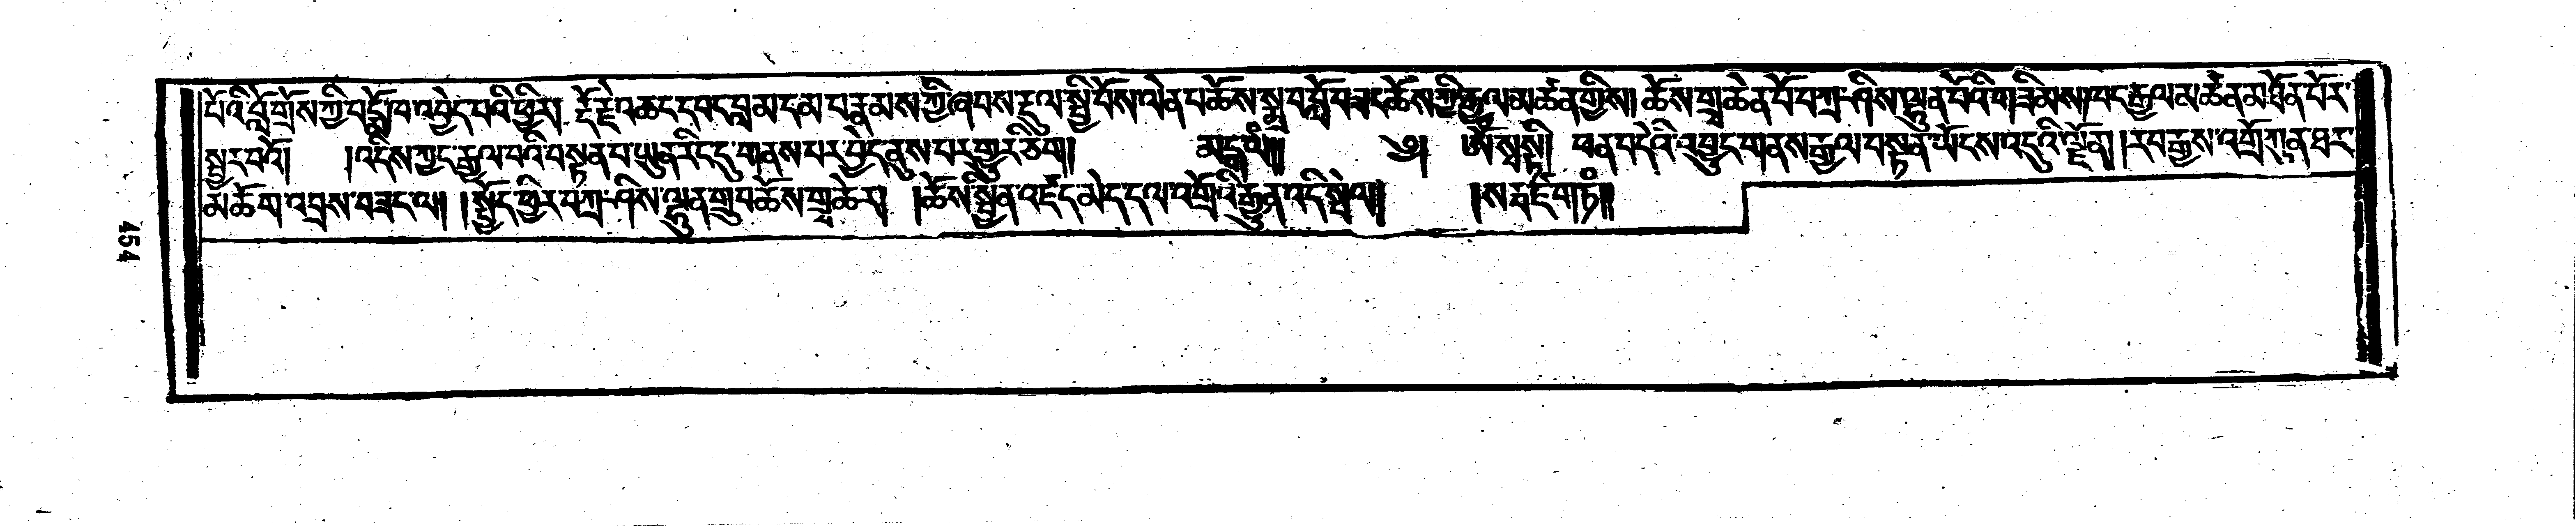པོའི་བློ་གྲོས་ཀྱི་པདམོ་ཁ་འབྱེད་པའི་ཕྱིར། རྡོ་རྗེ་འཆང་དབང་བ་མ་དམ་པ་རྣམས་ཀྱི་ཞབས་རྡུལ་སྤྱི་བོས་ལེན་པ་ཆོས་སྨྲ་བ་བློ་བཟང་ཆོས་ཀྱི་རྒྱལ་མཚན་གྱིས། ཆོས་གྲྭ་ཆེན་པོ་བཀྲ་ཤིས་ལྷུན་པོའི་གཟིམས་ཁང་རྒྱལ་མཚན་མཐོན་པོར་
སྦྱར་བའོ། །འདིས་ཀྱང་རྒྱལ་བའི་བསྟན་པ་ཡུན་རིང་དུ་གནས་པར་བྱེད་ནུས་པར་གྱུར་ཅིག། མངྒ་ལཾ།། ༄༅། ཨོཾ་སྭསྟི། ཕན་འདིའི་ཨིའབྱུང་གནས་རྒྱལ་བསྟསན་ཡོངས་འདུའི་ལྗོན། །རབ་རྒྱས་འགྲོ་ཀུན་ཐར་
མཆོག་འབྲས་བཟང་ལ། །སྤྱོད་ཕྱིར་བཀྲ་ཤིས་ལྷུན་གྲུབ་ཆོས་གྲྭ་ཆེར། །ཆོས་སྦྱིན་འཛད་མེད་དལ་འགྲོའི་རྒྱུན་འདི་སྤེལ། །སརྦ་ཛ་ག་ཏཾ།།